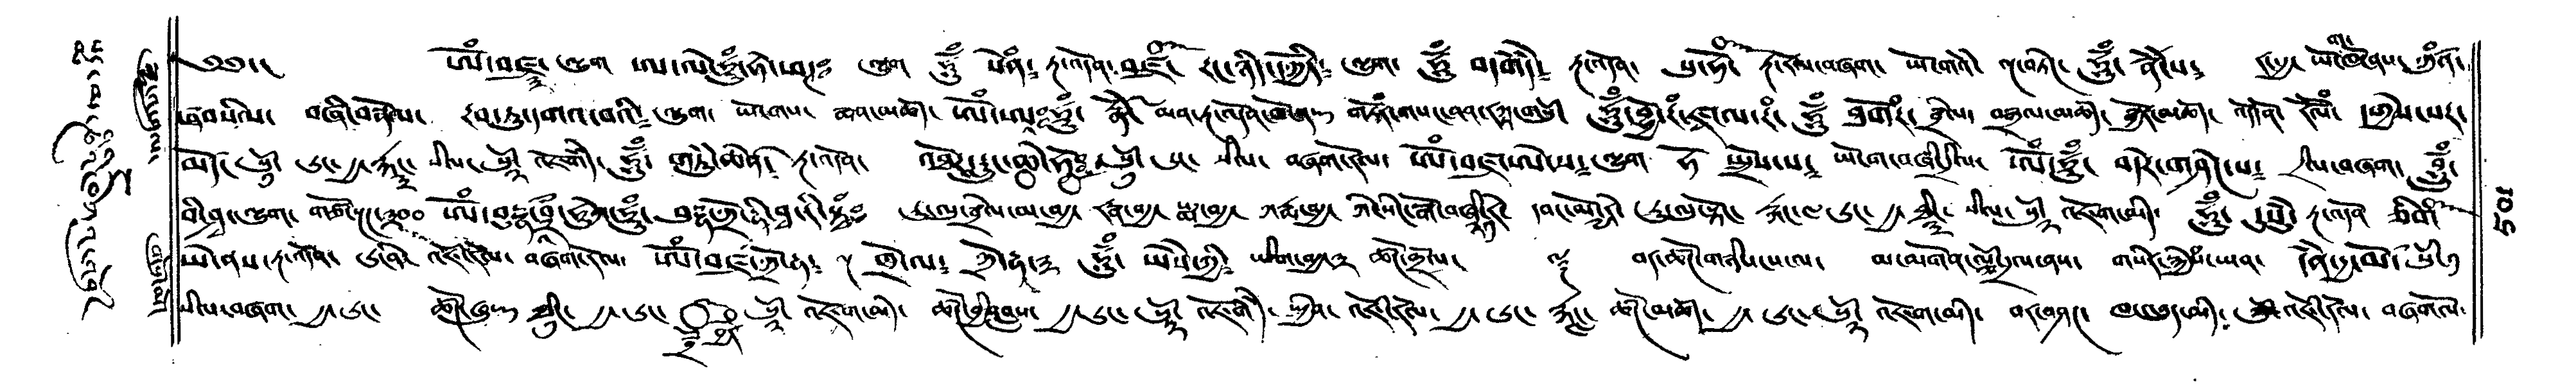ཨོཾ་བཛྲ༴ གསུམ། ལྷུག ཨ་ལེ་ཧཱུྃ་ཧེ་ཕཊཿ ལྷུག ཧཱུྃ། སེམས་ཅན༴ རྔ་འདོན། བཛྲ། རང་ཉིད་དཀྱིལ་འཁོར༴ ལྷུག ཧཱུྃ། བདག་དམ་ཚིག༴ རྔ་འདོན། སུ་ཧོཾ། རྔ་རོལ་གཞག ཡོ་གའམ། ལྔ་བཏེགས། ཧཱུྃ། རྣམ་པ༴ རང་རྒྱ། ཡོ་ག་ཁོ་ནས། ཀུན་བཟང་
ཞབས་སིལ༴ བཞི་བསྣོལ། རབ་ཏུ་དགའ་བའི༴ ལྷུག ཡོ་གས། སྨན་མཆོད། ཨོཾ་ཨཱཿཧཱུྃ། རྣམ་སྣང༴ མན་རྔ་འདོན་ཁོ་ནས། གཏོར་མ་གསང་ནན་རཀྟ་གསུམ། ཧཱུྃ་བྷྱོ་རཾ་ཛྭ་ལ་རཾ། ཧཱུྃ། ཐོག་མར༴ སྦྲེལ། བསྒྲལ་མཆོད། སྦྱོར་མཆོད། འདོད་དོན། རོལ་མོ། དགྱེས་པར་
མཛོད། སུམ་གཅིག དུང་། རྒྱ། རྐང་བཞི། སིལ། སུམ་གཉིས། འཇོག་མེད། ཧཱུྃ། གཏུམ་ཆེན༴ རྔ་འདོན། འཐོར་རླུང་ཆེ་ཧོཿ སུམ་གཅིག དུང་། སིལ། བཞག་རོལ། ཨོཾ་བཛྲ་ཨེ་ས༴ ལྷུག ཧོཿ སྤྲོས་པ༴ ཡོ་ག་བཞི་དྲིལ། ཨོཾ་ཧཱུྃ། བདེ་བར་གཤེགས་པ༴ དྲིལ་བཞག བྷྲཱུྃ་
བི་ཤྭ༴ ལྷུག གཙོ་སྔགས་སུམ་བརྒྱ། ཨོཾ་བུདྡྷ་ཤྲཱྀ་ཧེ་རུ་ཀ་ཧཱུྃ། བུདྡྷ་ཀྲོ་དྷི་ཤྭ་རི་སྟྭཾ། རུ་ལུ་སྦྲེལ་མ་བརྒྱ། རཏྣ་བརྒྱ། པདྨ་བརྒྱ། ཀརྨ་བརྒྱ། ཀེའུ་སེང་སྒོ་བཞི་རེ་ཉེར་གཅིག་རེ། དབང་མོ་རེ་བདུན་རེ། རུ་ལུ་སྟོང་། རྐང་བཞི། དུང་། རྒྱ། ཐིང་གསུམ། སིལ། སུམ་གཉིས། འཇོག་མེད། ཧཱུྃ། དུས་གསུམ་རྔ་འདོན། ཅིག 
ཡེ་ནས༴ རྔ་འདོན། དུང་། འཇམ་རོལ། བཞག་རོལ། ཨོཾ་བཛྲ་ཀྲོ་དྷ༴ ལྔ། ཁྲོ་ལ༴ ཀྲོ་དྷ་གསུམ། ཧཱུྃ། ཡེ་ཤེས་ཀྱི༴ ཡིག་བརྒྱ་གསུམ། ཚོགས་གྲོལ། ༈ བར་ཚོགས་གཉིས་པ་ལ། མ་མགོན་ལྕམ་དྲལ་ནས། གསེར་སྐྱེམས་ཡན། དམ་ཅན་རྒྱ་མཚོ༴ སུམ་གཅིག 
སིལ་བཞག རྒྱ། དུང་། ཚོགས་ཞུས། ཐིང་གཅིག རྒྱ། དུང་། སུམ་གཉིས། འཇོག་མེད། ཚོགས་བྱིན་རླབས། རྒྱ། དུང་། སུམ་གཉིས། འཇོག་མེད། སྤྱན་འདྲེན། འཇམ་རོལ། རྒྱ། དུང་། རྐང་བཞི། ཚོགས་མཆོད། རྒྱ། དུང་། སུམ་གཉིས།འཇོག་མེད། བར་བཤགས། ཁ་འབུད་མེད། འཇམ་རོལ། བཞག་རོལ།